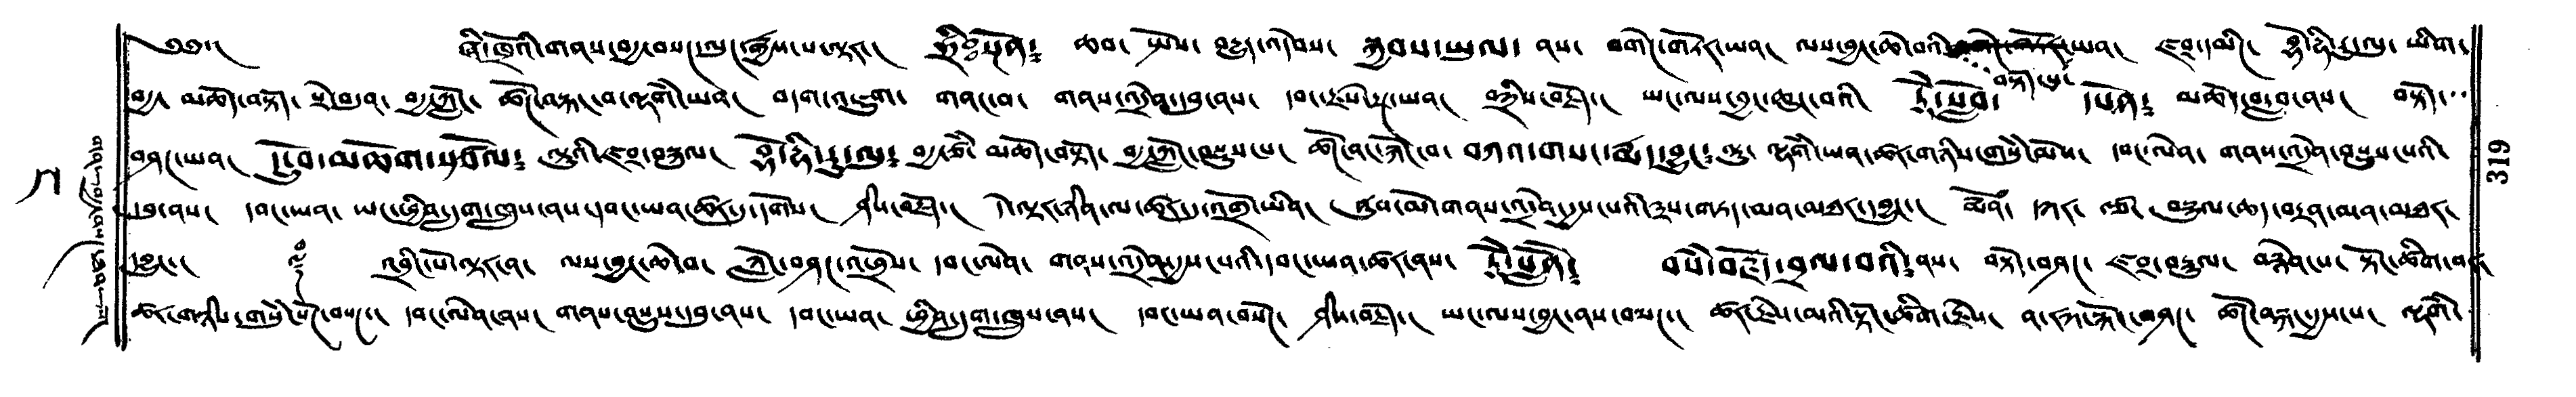༄༅། ཞི་ཁྲོ་གནས་བརྒྱ་གསོག་ལུགས་རྒྱས་པ་ལྟར། ཧྲཱི༔ སྔོན༴ ཆབ། སྤོས། བརྒྱུད་འདེབས། སྐྱབས་ཡུལ་ནས། བགེགས་གཏོར་ཡན། ལས་བྱང་ཆེ་བའི་བསྟོད་པ། ཛཔྲ་དམིགས། བྷོ་དྷི། རུ་ལུ། ཡིག་
བརྒྱ། མཆོད་བསྟོད། སྡེ་བདུན། བརྒྱ་ཀློང་། ཚོགས་སྐོང་བ་ལྷག་མ་ཡན། བདག་འཇུག གནང་བ། གནས་འདྲེན་དབུས་ནས། དབང་རྫས་རྟགས་ཡན། བཀྲ་ཤིས་བརྗོད། ཡང་ལས་བྱང་ཆུང་བའི། རྡོ་རྗེ་སློབ་དཔོན༴ མཆོད་རླབས་ནས། བསྟོད་
བཤགས་ཡན། དངོས་གྲུབ་རྩོལ༴ ལྟ་བུའི་ཛཔྲ་བསྐུལ། བྷོ་དྷི། རུ་ལུ། བརྒྱ་ཙམ། མཆོད་བསྟོད། བརྒྱ་ཀློང་བསྡུས་པ། ཚོགས་ནང་སྐོང་བ། བཀའ་གསང་རྨད་བྱུང༴ ལྟ་བུ། ལྷ་གམ་ཡན་ཚར་གཉིས་གསུམ་མོས། དབང་ལེན། གནས་འདྲེན་བསྡུས་པའི་
དབུ་ནས་ དབང་ཡན། ཡང་ཕྱིན་དྲུག་ཁྲུས་ནས་དབང་ཡན་ཚར་དུ་དགོས། ཤིས་བརྗོད། དེ་ལྟར་ཉིན་ལ་ཚར་དུ་འགྲོ་ཡིན། ནུབ་མོ་གནས་འདྲེན་རྒྱས་པའི་ཟས་གཏད་མན་མཐར་དབྱུང་། སྨོན་ལམ། དཀར་གཏོར། རྩ་བརྒྱུད། བསྐུལ་ཆད་བརྟན་མན་མཐར་
དབྱུང་། ༈ འབྲིང་པོ་ལྟར་ན། ལས་བྱང་ཆེ་བ། ཀློང་བཤགས་འཕྲོས། དབང་ལེན། གནས་འདྲེན་རྒྱས་པའི་དབང་ཡན་ཚར་ནས། རྡོ་རྗེ་སློབ་དཔོན༴ བསམ་བརྗོད་བྲལ་བའི༴ ནས། བསྟོད་བཤགས། ཛཔྲ་བསྐུལ། བསྙེན་པ། སྟོང་ཚིག་བར་
ཚར་གཉིས་གསུམ་སོགས་བསག དབང་ལེན་ནས། གནས་བསྡུས་དབུ་ནས་དབང་ཡན། ཕྱིན་དྲུག་ཁྲུས་ནས་དབང་ཡན་སོགས། ཤིས་བརྗོད། ཡང་ལས་བྱང་ནས་བསག ཚར་རྗེས་མའི་སྟོང་ཚིག་རྗེས། ན་རཀ་སྐོང་བཤགས། ཚོགས་སྐོང་རྒྱས་པ། ལྷག་མ་